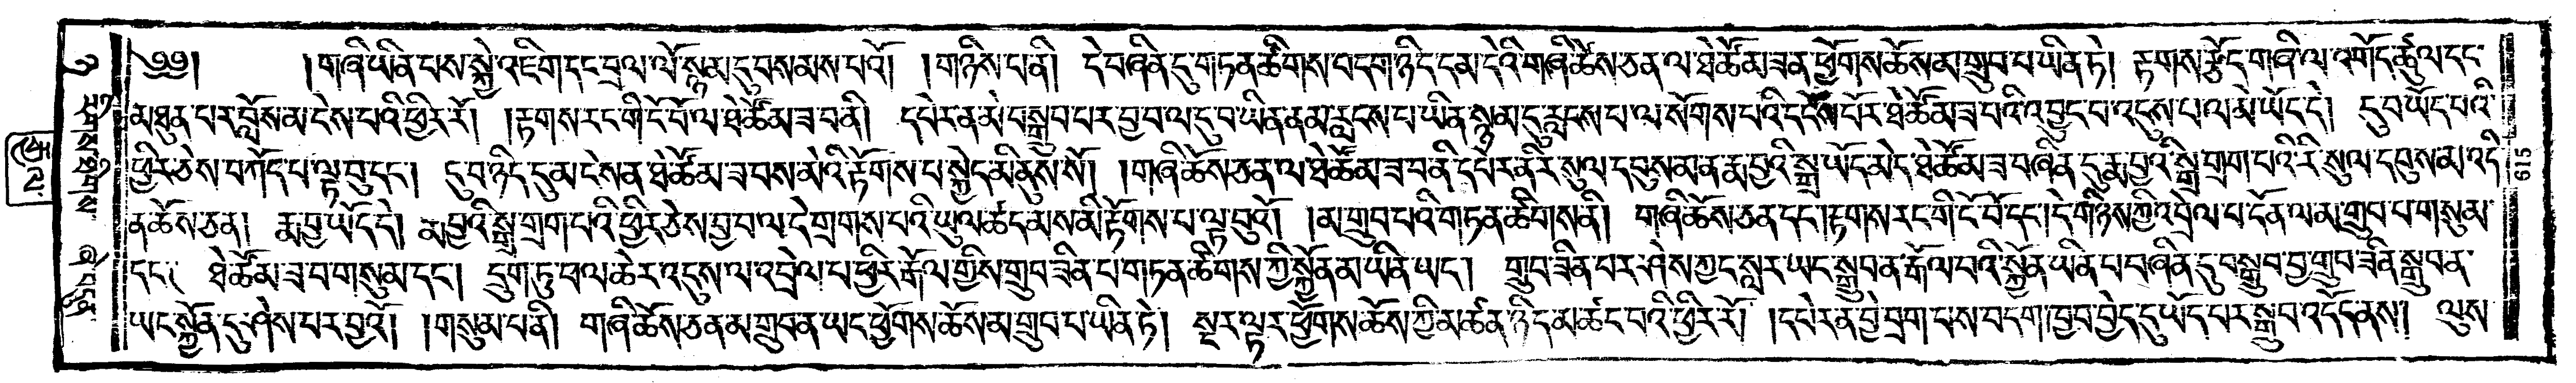༄༅། །གཞི་ཡིན་པས་སྐྱེ་འཇིག་དང་བྲལ་ལོ་སྙམ་དུ་བསམས་པའོ། །གཉིས་པ་ནི། དེ་བཞིན་དུ་གཏན་ཚིགས་བདག་ཉིད་དམ་དེའི་གཞི་ཚེས་ཅན་ལ་ཐེ་ཚོམ་ཟ་ན་ཕྱོགས་ཆོས་མ་གྲུབ་པ་ཡིན་ཏེ། རྟགས་རྩོད་གཞི་ལ་འགོད་ཚུལ་དང་
མཐུན་པར་བློས་མ་ངེས་པའི་ཕྱིར་རོ། །རྟགས་རང་གི་ངོ་བོ་ལ་ཐེ་ཚོམ་ཟ་བ་ནི། དཔེར་ན་མེ་བསྒྲུབ་པར་བྱ་བ་ལ་དུ་བ་ཡིན་ནམ་རླངས་པ་ཡིན་སྙམ་དུ་རླངས་པ་ལ་སོགས་པའི་དངོས་པོར་ཐེ་ཚོམ་ཟ་བའི་འབྱུང་བ་འདུས་པ་ལ་མེ་ཡོད་དེ། དུ་བ་ཡོད་པའི་
ཕྱིར་ཅེས་བཀོད་པ་ལྟ་བུ་དང་། དུ་བ་ཉིད་དུ་མ་ངེས་ན་ཐེ་ཚོམ་ཟ་བ་མེའི་རྟོགས་པ་སྐྱེད་མི་ནུས་སོ། །གཞི་ཆོས་ཅན་ལ་ཐེ་ཚོམ་ཟ་བ་ནི་དཔེར་ནི་ར་སུལ་དབུས་མ་ན་རྨ་བྱའི་སྒྲ་ཡོད་མེད་ཐེ་ཚོམ་ཟ་བཞིན་དུ་རྨ་བྱའི་སྒྲ་གྲག་པའི་རི་སུལ་དབུས་མ་འདི་
ན་ཆོས་ཅན། རྨ་བྱ་ཡོད་དེ། མ་བྱའི་སྒྲ་གྲག་པའི་ཕྱིར་ཅེས་བྱ་བ་ལ་དེ་གྲགས་པའི་ཡུལ་ཚད་མས་མི་རྟོགས་པ་ལྟ་བུའོ། །མ་གྲུབ་པའི་གཏན་ཚིགས་ནི། གཞི་ཆོས་ཅན་དང་། རྟགས་རང་གི་ངོ་བོ་དང་། དེ་གཉིས་ཀྱི་འབྲེལ་པ་དོན་ལ་མ་གྲུབ་པ་གསུམ་
དང༑ ཐེ་ཚོམ་ཟ་བ་གསུམ་དང་། དྲུག་ཏུ་ཕལ་ཆེར་འདུས་ལ་འབྲེལ་པ་ཕྱིར་རྒོལ་གྱིས་གྲུབ་ཟིན་པ་གཏན་ཚིགས་ཀྱི་སྐྱོན་མ་ཡིན་ཡང་། གྲུབ་ཟིན་པར་ཤེས་ཀྱང་སླར་ཡང་སྒྲུབ་ན་རྒོལ་བའི་སྐྱོན་ཡིན་པ་བཞིན་དུ་བསྒྲུབ་བྱ་གྲུབ་ཟིན་སྒྲུབ་ན་
ཡང་སྐྱོན་དུ་ཤེས་པར་བྱའོ། །གསུམ་པ་ནི། གཞི་ཆོས་ཅན་མ་གྲུབ་ན་ཡང་ཕྱོགས་ཆོས་མ་གྲུབ་པ་ཡིན་ཏེ། སྔར་ལྟར་ཕྱོགས་ཆོས་ཀྱི་མཚན་ཉིད་མ་ཚང་བའི་ཕྱིར་རོ། །དཔེར་ན་བྱེ་བྲག་པས་བདག་ཁྱབ་བྱེད་དུ་ཡོད་པར་སྒྲུབ་འདོད་ནས། ལུས་